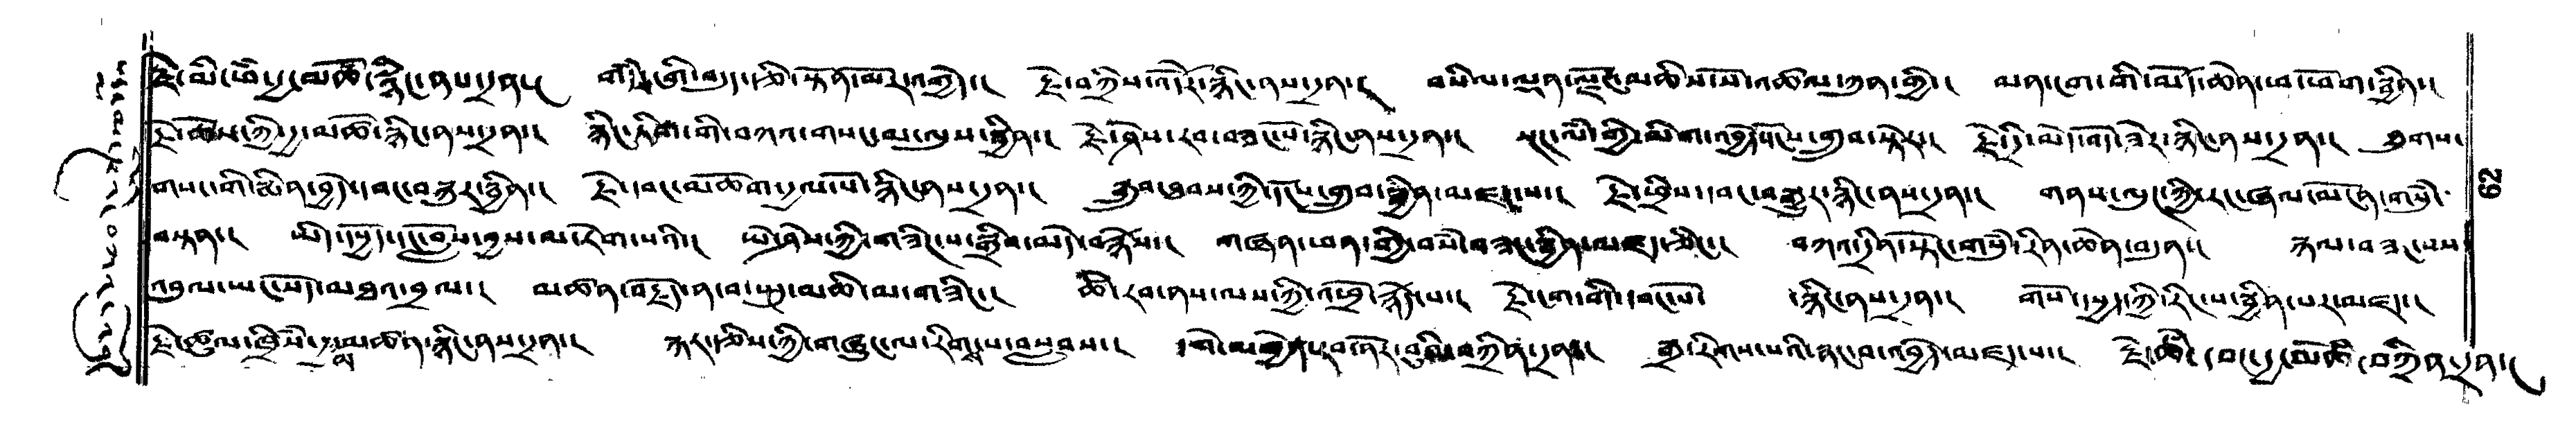།རྗེ་མི་ཕམ་རྒྱ་མཚོ་སྙིང་ནས་དྲན། །གདམས་ངག་གི་བདུད་རྩི་སྟོན་མོར་འགྱེད། །རྗེ་བཀྲ་ཤིས་འོད་ཟེར་སྙིང་ནས་དྲན། །བསིལ་ལྡན་ལྗོངས་མཆིས་སོ་འཚལ་ཀུན་གྱི། །མན་ངག་གི་མཛོད་ཆེན་ཕ་ཕོགས་བྱིན། །
རྗེ་ཆོས་ཀྱི་རྒྱ་མཚོ་སྙིང་ནས་དྲན། །སྙིང་ཏིག་གི་བཀའ་གསང་མ་ལུས་བྱིན། །རྗེ་ཤེས་རབ་བཟང་པོ་སྙིང་ནས་དྲན། །སྔགས་ལམ་གྱི་མིག་འབྱེད་དངོས་གྲུབ་སྟེར། །རྗེ་དྲི་མེད་འོད་ཟེར་སྙིང་ནས་དྲན། །ཐུགས་
གསང་གི་སྨིན་བྱེད་དབང་བསྐུར་བྱིན། །རྗེ་དབང་མཆོག་རྒྱལ་པོ་སྙིང་ནས་དྲན། །སྒྲུབ་ཐབས་ཀྱི་དངོས་གྲུབ་བྱིན་མཛད་པ། །རྗེ་ཕྲིན་ལས་དབང་སྒྱུར་སྙིང་ནས་དྲན། །གནས་ལུགས་ཀྱི་རང་ཞལ་མངོན་སུམ་
བསྟན། །ཡིད་དཔྱོད་དང་བློས་བྱས་མ་རེག་པའི། །ཡེ་ཤེས་ཀྱི་གཟིགས་པ་སྒྲིབ་མེད་བརྙེས། །གཞན་ཕན་གྱི་བསམ་བཟང་བྱིན་མཛད་ཅིང་། །བཀའ་དྲིན་སྟོང་གསུམ་རིན་ཆེན་བདུན། །སྐལ་བཟང་བས་
ཕུལ་ཀྱང་གསབ་མཐའ་བྲལ། །མཚན་བརྗོད་ན་བ་སྤུ་མཆི་མ་གཟིང་། །ཚེ་རབས་ནས་ལས་ཀྱི་འཕྲོ་རྙེད་པ། །རྗེ་ངག་གི་དབང་པོ་སྙིང་ནས་དྲན། །གསོ་དཔྱད་ཀྱི་རིགས་པ་སྦྱིན་པར་མཛད། །
རྗེ་ཚུལ་ཁྲིམས་རྒྱལ་མཚན་སྙིང་ནས་དྲན། །སྐར་རྩིས་ཀྱི་གཞུང་དང་རིག་པ་བསླབས། །དགེ་མཁྱེན་རབ་ནོར་བུའི་བཀའ་དྲིན་དྲན། །སྒྲ་རིག་པའི་སྣང་བ་འབྱེད་མཛད་པ། །རྗེ་ཚེ་དབང་རྒྱ་མཚོའི་བཀའ་དྲིན་དྲན།